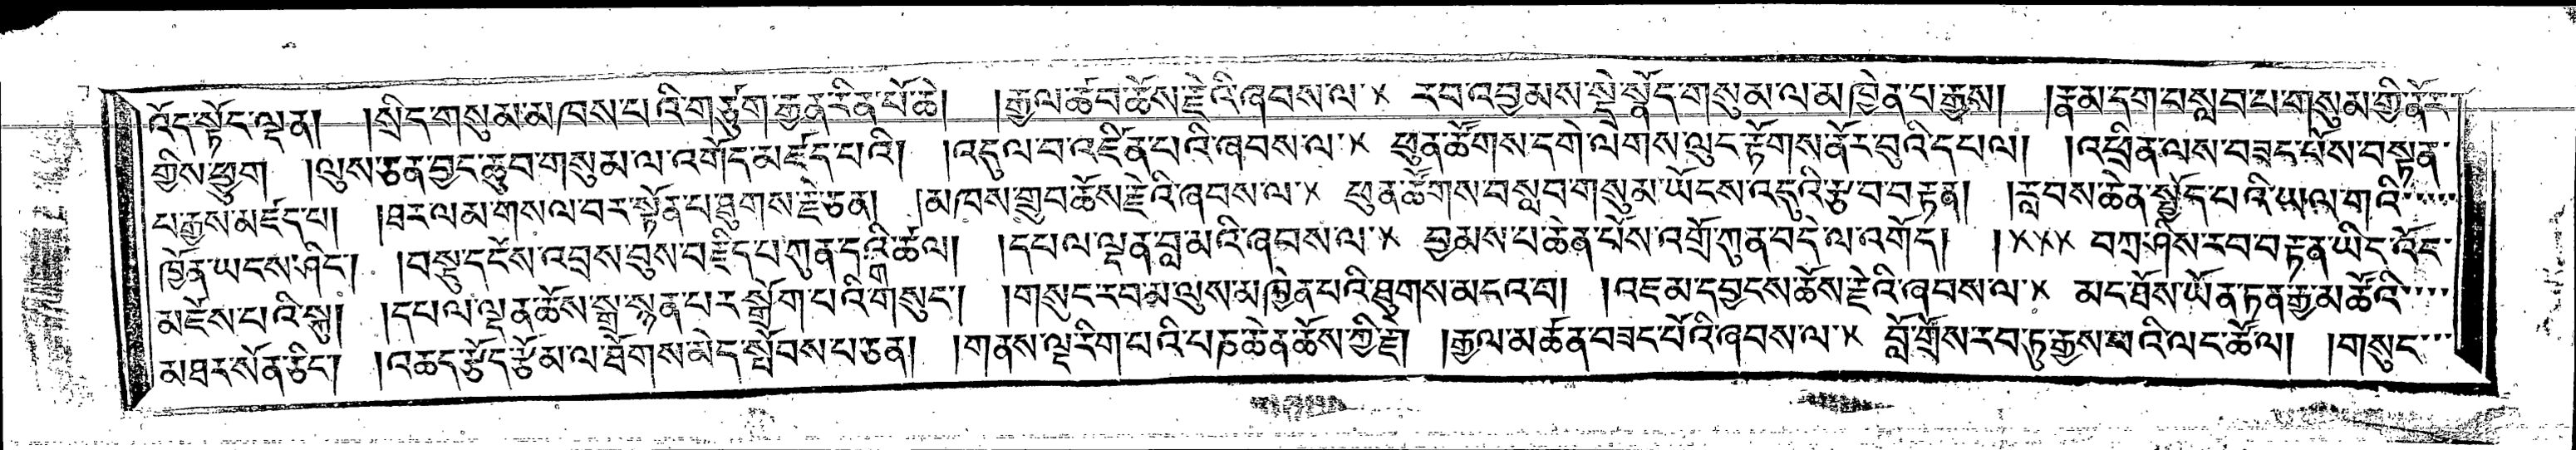འོད་སྟོང་ལྡན། །སྲིད་གསུམ་མཁས་པའི་གཙུག་རྒྱན་རིན་པོ་ཆེ། །རྒྱལ་ཚབ་ཆོས་རྗེའི་ཞབས་ལ་{྾}་རབ་འབྱམས་སྡེ་སྣོད་གསུམ་ལ་མཁྱེན་པ་རྒྱས། །རྣམ་དག་བསླབ་པ་གསུམ་གྱི་ནོར་
གྱིས་ཕྱུག །ལུས་ཅན་བྱང་ཆུབ་གསུམ་ལ་འགོད་མཛད་པའི། །འདུལ་བ་འཛིན་པའི་ཞབས་ལ་{྾}་ཕུན་ཚོགས་དགེ་ལེགས་ལུང་རྟོགས་ནོར་བུའི་དཔལ། །འཕྲིན་ལས་བཟང་པོས་བསྟན་
པ་རྒྱས་མཛད་པ། །ཐར་ལམ་གསལ་བར་སྟོན་པ་ཐུགས་རྗེ་ཅན། །མཁས་གྲུབ་ཆོས་རྗེའི་ཞབས་ལ་{྾}་ཕུན་ཚོགས་བསླབ་གསུམ་ཡོངས་འདུའི་རྩ་བ་བརྟན། །རླབས་ཆེན་སྤྱོད་པའི་ཡལ་གའི་
ཁྱོན་ཡངས་ཤིང་། །བསྡུ་དངོས་འབྲས་བུས་བརྗིད་པ་ཀུན་དགའི་ཚལ། །དཔལ་ལྡན་བླ་མའི་ཞབས་ལ་{྾}་བྱམས་པ་ཆེན་པོས་འགྲོ་ཀུན་བདེ་ལ་འགོད། །{྾་྾་྾}་བཀྲ་ཤིས་རབ་བརྟན་ཡིད་འོང་
མཛེས་པའི་སྐུ། །དཔལ་ལྡན་ཆོས་སྒྲ་སྙན་པར་སྒྲོག་པའི་གསུང་། །གསུང་རབ་མ་ལུས་མཁྱེན་པའི་ཐུགས་མངའ་བ། །འཇམ་དབྱངས་ཆོས་རྗེའི་ཞབས་ལ་{྾}་མང་ཐོས་ཡོན་ཏན་རྒྱ་མཚོའི་
མཐར་སོན་ཅིང་། །འཆད་རྩོད་རྩོམ་ལ་ཐོགས་མེད་སྤོབས་པ་ཅན། །གནས་ལྔ་རིག་པའི་པཎ་ཆེན་ཆོས་ཀྱི་རྗེ། །རྒྱལ་མཚན་བཟང་པོའི་ཞབས་ལ་{྾}་བློ་གྲོས་རབ་ཏུ་རྒྱས་པའི་ལང་ཚོ་ལ། །གསུང་